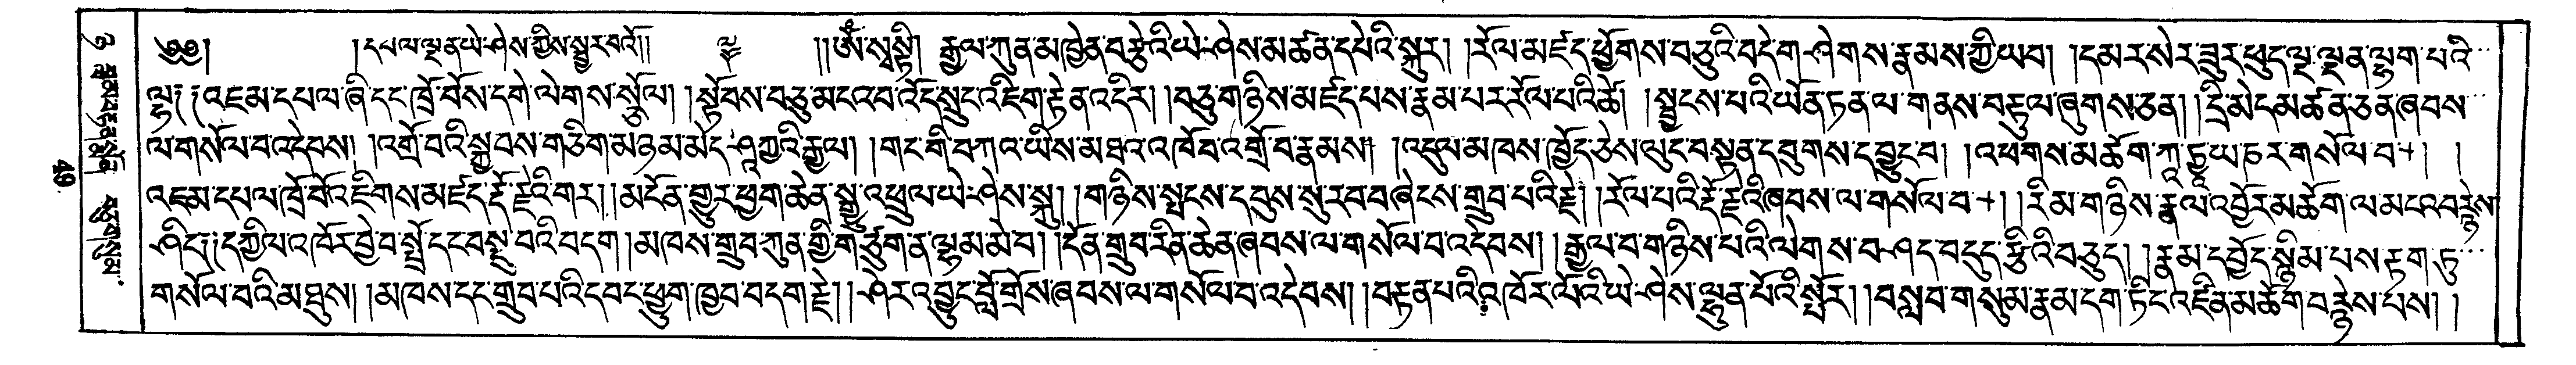༄༅། །དཔལ་ལྡན་ཡེ་ཤེས་ཀྱིས་སྦྱར་བའོ།། ༈ །།ཨོཾ་སྭ་སྟི། རྒྱལ་ཀུན་མཁྱེན་བརྩེའི་ཡེ་ཤེས་མཚན་དཔེའི་སྐུར། །རོལ་མཛད་ཕྱོགས་བཅུའི་བདེ་གཤེགས་རྣམས་ཀྱི་ཡབ། །དམར་སེར་ཟུར་ཕུད་ལྔ་ལྡན་ལྷག་པའི་
ལྷ༑ ༑འཇམ་དཔལ་ཞི་དང་ཁྲོ་བོས་དགེ་ལེགས་སྩོལ། །སྟོབས་བཅུ་མངའ་བ་འོད་སྲུང་འཇིག་རྟེན་འདིར། །བཅུ་གཉིས་མཛད་པས་རྣམ་པར་རོལ་བའི་ཚེ། །སྦྱངས་པའི་ཡོན་ཏན་ལ་གནས་བརྟུལ་ཞུགས་ཅན། །དྲི་མེད་མཚན་ཅན་ཞབས་
ལ་གསོལ་བ་འདེབས། །འགྲོ་བའི་སྐྱབས་གཅིག་མཉམ་མེད་ཤཱཀྱའི་རྒྱལ། །གང་གི་བཀའ་ཡིས་མཐའ་འཁོར?་འགྲོ་བ་རྣམས། །འདུལ་མཁས་ཁྱོད་ཅེས་ལུང་བསྟན་དབུགས་ད་བྱུང་བ། །འཕགས་མཆོག་ཀཱ་དྱཱ་ཡ་ཎ་ར་གསོལ་བ།།
འཇམ་དཔལ་ཁྲོ་བོ་འཇིགས་མཛད་རྡོ་རྗེའི་གར། །མངོན་གྱུར་ཕྱག་ཆེན་སྒྱུ་འཕྲུལ་ཡེ་ཤེས་སྐུ། །གཉིས་སྤངས་དབུས་སུ་རབ་བཞེངས་གྲུབ་པའི་རྗེ། །རོལ་པའི་རྡོ་རྗེའི་ཞབས་ལ་གསོལ་བ། །རིམ་གཉིས་རྣལ་འབྱོར་མཆོག་ལ་མངའ་བརྙེས་
ཤིང་། །དཀྱིལ་འཁོར་བྱེ་བ་སྤྲོ་དང་བསྡུ་བའི་བདག། །མཁས་གྲུབ་ཀུན་གྱི་གཙུག་ན་ལྷམ་མེ་བ། །དོན་གྲུབ་རིན་ཆེན་ཞབས་ལ་གསོལ་བ་འདེབས། །རྒྱལ་བ་གཉིས་པའི་ལེགས་བཤད་བདུད་རྩིའི་བཅུད། །རྣམ་དབྱོད་སྙིམ་པས་རྟག་ཏུ་
གསོལ་བའི་མཐུས། །མཁས་དང་གྲུབ་པའི་དབང་ཕྱུག་ཁྱབ་བདག་རྗེ། །ཤེར་འབྱུང་བློ་གྲོས་ཞབས་ལ་གསོལ་བ་འདེབས། །བརྟན་པའི་འཁོར་ལོའི་ཡེ་ཤེས་ལྷུན་པོའི་སྤོར། །བསླབ་གསུམ་རྣམ་དག་ཏིང་འཛིན་མཆོག་བརྙེས་པས། །